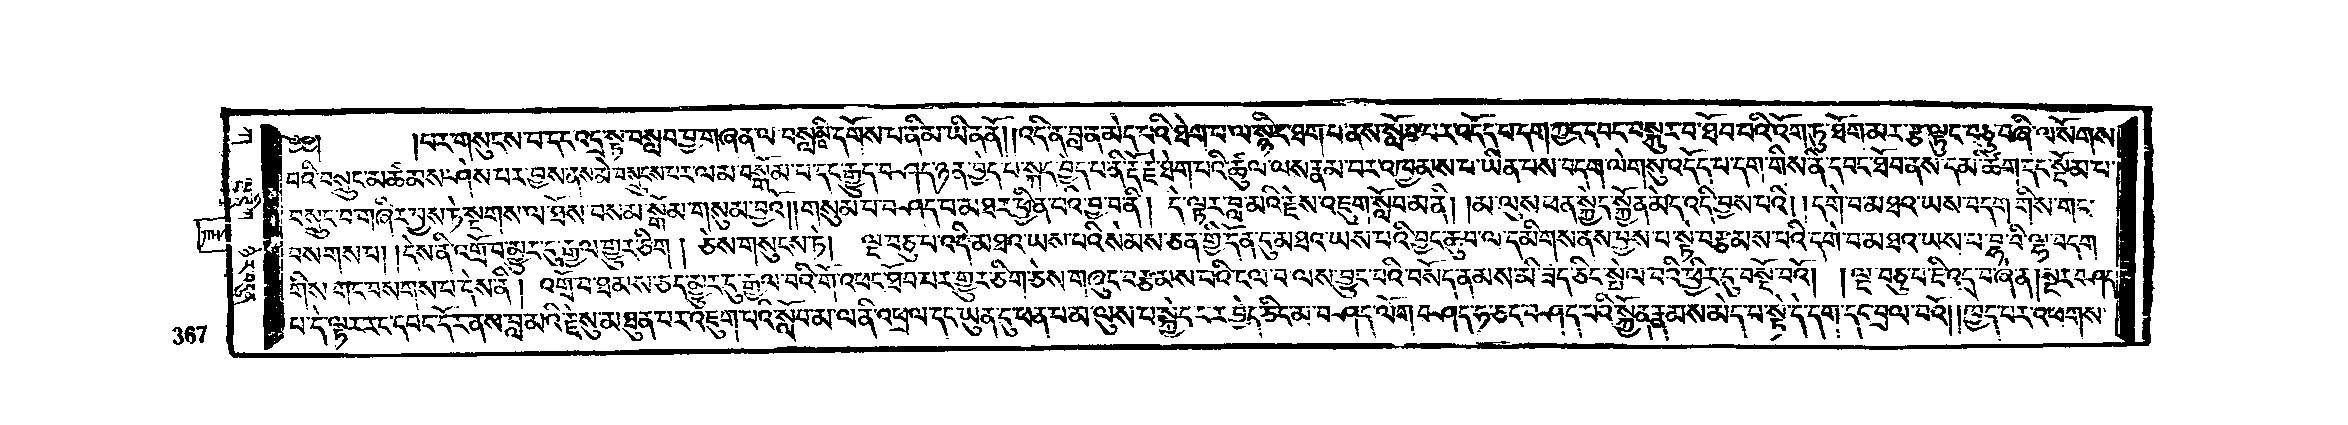༄༅། །པར་གསུངས་པ་དང་འདྲ་སྟ་བསླབ་བྱ་གཞན་ལ་བསླབ་མི་དགོས་པ་ནི་མ་ཡིན་ནོ། །འདི་ན་བླ་ན་མེད་པའི་ཐེག་པ་ལ་སྙིང་ཐག་པ་ནས་སློབ་པར་འདོད་པ་དག་ཀྱང་དབང་བསྐུར་བ་ཐོབ་པའི་འོག་ཏུ་ཐོག་མར་རྩ་ལྟུང་བཅུ་བཞི་ལ་སོགས་
པའི་བསྲུང་མཚམས་ཤེས་པར་བྱས་ནས་མེ་བསྲུངས་པར་ལམ་བསྒོམ་པ་དང་རྒྱུད་བཤད་ཉན་བྱེད་པ་སྐད་བྱེད་པ་ནི་རྡོ་རྗེ་ཐེག་པའི་ཚུལ་ལས་རྣམ་བར་འཁྱམས་པ་ཡིན་པས་བདག་ལེགས་སུ་འདོད་པ་དག་གིས་ནི་དབང་ཐོབ་ནས་དམ་ཚིག་དང་སྡོམ་པ་
བསྲུང་བ་གཞིར་བྱས་ཏེ་སྔགས་ལ་ཐོས་བསམ་སྒོམ་གསུམ་བྱའོ། །གསུམ་པ་བཤད་པ་མཐར་ཕྱིན་པའི་བྱ་བ་ནི། དེ་ལྟར་བླ་མའི་རྗེས་འཇུག་སློབ་མ་ནི། །མ་ལུས་ཕན་སྐྱེད་སྐྱོན་མེད་འདི་བྱས་པའི། །དགེ་བ་མཐའ་ཡས་བདག་གིས་གང་
བསགས་པ། །དེས་ནི་འགྲོ་བ་མྱུར་དུ་རྒྱལ་གྱུར་ཅིག །ཅེས་གསུངས་ཏེ། ལྔ་བཅུ་པ་འདི་མཐའ་ཡས་པའི་སེམས་ཅན་གྱི་དོན་དུ་མཐའ་ཡས་པའི་བྱང་ཆུབ་ལ་དམིགས་ནས་བྱས་པ་སྟེ་བརྩམས་པའི་དགེ་བ་མཐའ་ཡས་པ་བྷ་བི་ལྷ་བདག་
གིས་གང་བསགས་པ་དེས་ནི། འགྲོ་བ་ཐམས་ཅད་མྱུར་དུ་རྒྱལ་བའི་གོ་འཕང་ཐོབ་པར་གྱུར་ཅིག་ཅེས་གཞུང་བརྩམས་པའི་ངལ་བ་ལས་བྱུང་པའི་བསོད་ནམས་མི་ཟད་ཅིང་སྤེལ་བའི་ཕྱིར་དུ་བསྔོ་བའོ། །ལྔ་བཅུ་པ་ཇི་འདྲ་བ་ཞེ་ན། སྔར་བཤད་
པ་དེ་ལྟར་རང་དབང་དོར་ནས་བླ་མའི་རྗེས་སུ་མཐུན་པར་འཇུག་པའི་སློབ་མ་ལ་ནི་འཕྲལ་དང་ཡུན་དུ་ཕན་པ་མ་ལུས་པ་སྐྱེད་པར་བྱེད་ཅིང་མ་བཤད་ལོག་བཤད་ཧ་ཅང་བཤད་པའི་སྐྱོན་རྣམས་མེད་པ་སྟེ་དེ་དག་དང་བྲལ་བའོ། །ཁྱེད་པར་འཕགས་